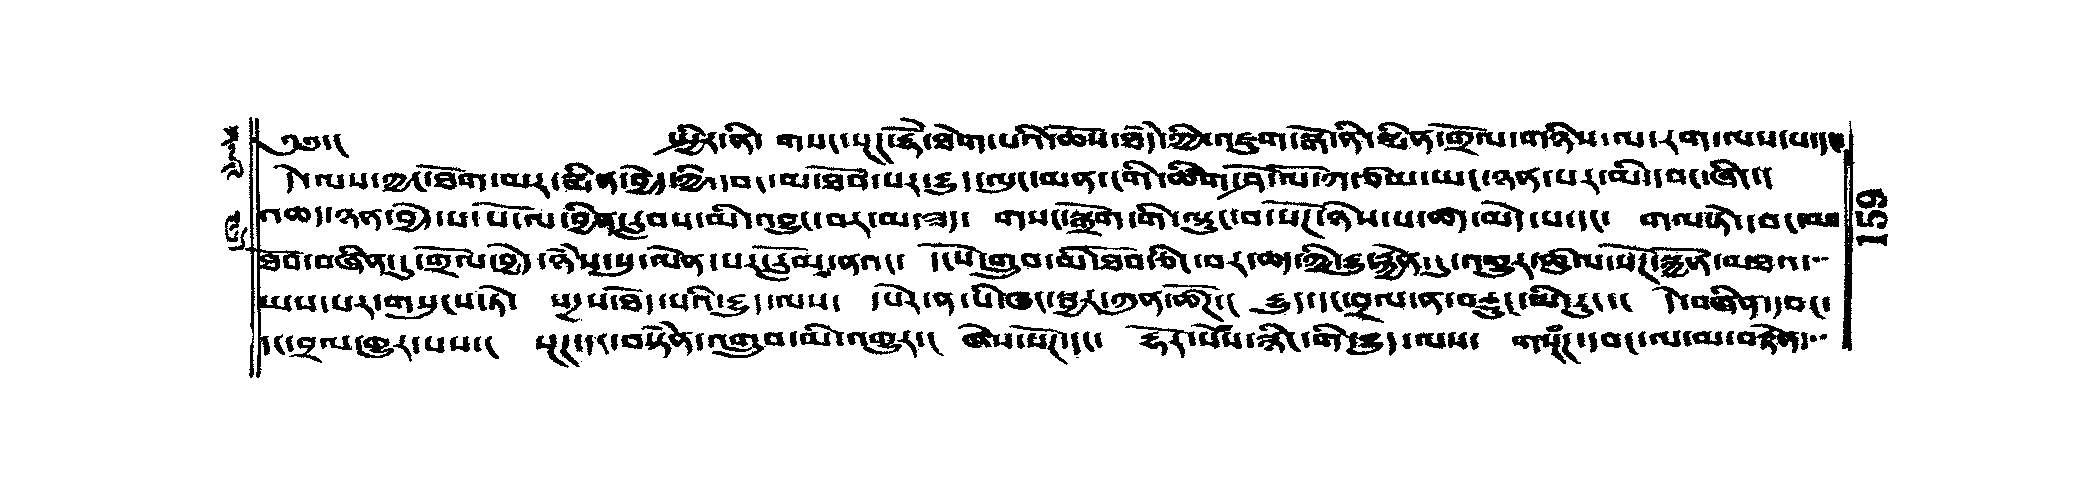སྤྱིར་ནི། གསང་སྔགས་རྡོ་རྗེ་ཐེག་པའི་ཆོས་ཐམས་ཅད་ཀྱི་འཇུག་སྒོ་ནི་སྨིན་གྲོལ་གཉིས་ལ་རག་ལས་པ་དང་། 
དེ་ལས་ཀྱང་ཐོག་མར་སྨིན་བྱེད་ཀྱི་དབང་མ་ཐོབ་པར་རྒྱུད་ལུང་མན་ངག་གི་ཚིག་ཤོ་ལོ་ཀ་ཙམ་ཡང་ཉན་པར་མི་དབང་ཞིང་། 
འཆད་ཉན་བྱེད་པ་པོ་ལ་བྱིན་རླབས་མི་འབྱུང་བར་མ་ཟད། གསང་སྒྲོག་གི་ལྟུང་བ་སོགས་ཉེས་པ་ཚད་མེད་པ་དང་། གལ་ཏེ་དབང་མ་
ཐོབ་བཞིན་དུ་གྲོལ་བྱེད་ཉམས་སུ་ལེན་པར་རློམས་ནའང་། དངོས་གྲུབ་མི་ཐོབ་ཅིང་བར་ཆད་ཀྱི་རྒྱུ་རྐྱེན་དུ་འགྱུར་ཚུལ་སོགས་སྐྱོན་མཐའ་
ཡས་པར་གསུངས་ཏེ། སངས་རྒྱས་ཐོད་པའི་རྒྱུད་ལས། དཔེར་ན་པི་ཝང་སྦྱར་ཀུན་ཚོགས། །རྒྱུད་དང་བྲལ་ན་བརྡུང་མི་རུང་། །དེ་བཞིན་དབང་
དང་བྲལ་གྱུར་པས། །སྔགས་དང་བསམ་གཏན་འགྲུབ་མི་འགྱུར། ཞེས་སོགས་དང་། རྡོར་སེམས་སྙིང་གི་རྒྱུད་ལས། གསང་སྔགས་དབང་ལ་མ་བརྟེན་